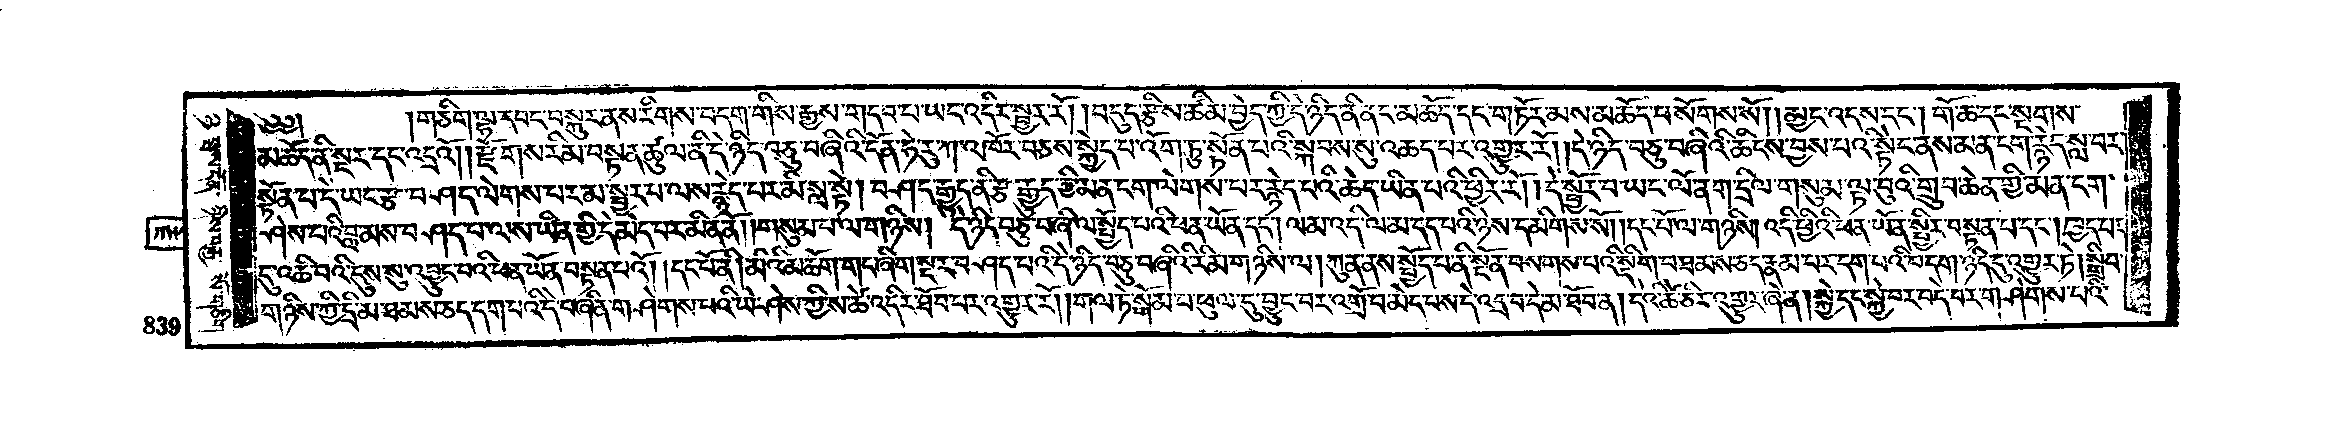༄༅། །གཅིག་ལྷ་དབང་བསྐུར་ནས་རིགས་བདག་གིས་རྒྱས་གདབ་པ་ཡང་འདིར་སྦྱར་རོ། །བདུད་རྩིས་ཚིམ་བྱེད་ཀྱི་དེ་ཉིད་ནི་ནང་མཆོད་དང་གཏོར་མས་མཆོད་པ་སོགས་སོ། །མྱང་འདས་དང་། གོ་ཆ་དང་སྔགས་
མཆོད་ནི་སྔར་དང་འདྲའོ། །རྫོགས་རིམ་བསྟན་ཚུལ་ནི་དེ་ཉིད་བཅུ་བཞིའི་དོན་ཧེ་རུ་ཀ་འཁོར་བཅས་སྐྱེད་པ་འོག་ཏུ་སྟོན་པའི་སྐབས་སུ་འཆད་པར་འགྱུར་རོ། །དེ་ཉིད་བཅུ་བཞིའི་ཆིངས་བྱས་པའི་སྟེང་ནས་མན་ངག་རྙེད་སླ་བར་
སྟོན་པ་དེ་ཡང་རྩ་བཤད་ལེགས་པར་མ་སྦྱར་བ་ལས་རྙེད་པར་མི་སླ་སྟེ། བཤད་རྒྱུད་ནི་རྩ་རྒྱུད་ཀྱི་མན་ངག་ལེགས་པར་རྙེད་པའི་ཆེད་ཡིན་པའི་ཕྱིར་རོ། །དེ་སྦྱོར་བ་ཡང་ལོ་ནག་དྲིལ་གསུམ་ལྟ་བུའི་གྲུབ་ཆེན་གྱི་མན་ངག་
ཤེས་པའི་བླ་མས་བཤད་པ་ལས་ཡིན་གྱི་དེ་མེད་པར་མིན་ནོ། །གསུམ་པ་ལ་གཉིས། དེ་ཉིད་བཅུ་བཞི་ལ་སྤྱོད་པའི་ཕན་ཡོན་དང་། ལམ་འདི་ལ་མ་དད་པའི་ཉེས་དམིགས་སོ། །དང་པོ་ལ་གཉིས། འདི་ཕྱིའི་ཕན་ཡོན་སྤྱིར་བསྟན་པ་དང་། ཁྱད་པར་
དུ་འཆི་བའི་དུས་སུ་འབྱུང་བའི་ཕན་ཡོན་བསྟན་པའོ། །དང་པོ་ནི། མིའི་མཆོག་གང་ཞིག་སྔར་བཤད་པའི་དེ་ཉིད་བཅུ་བཞིའི་རིམ་གཉིས་ལ། ཀུན་ནས་སྤྱོད་པ་ནི་སྔོན་བསགས་པའི་སྡིག་པ་ཐམས་ཅད་རྣམ་པར་དག་པའི་བདག་ཉིད་དུ་འགྱུར་ཏེ། སྒྲིབ་
གཉིས་ཀྱི་དྲི་མ་ཐམས་ཅད་དག་པའི་དེ་བཞིན་གཤེགས་པའི་ཡེ་ཤེས་ཀྱི་ས་ཚེ་འདིར་ཐོབ་པར་འགྱུར་རོ། །གལ་ཏེ་སྒོམ་པ་ཕུལ་དུ་བྱུང་བར་འགྲོ་བ་མེད་པས་དེ་འདྲ་བ་དེ་མ་ཐོབ་ན། དེའི་ཚེ་ཅིར་འགྱུར་ཞེ་ན། སྐྱེ་དང་སྐྱེ་བར་བདེ་བར་གཤེགས་པའི་